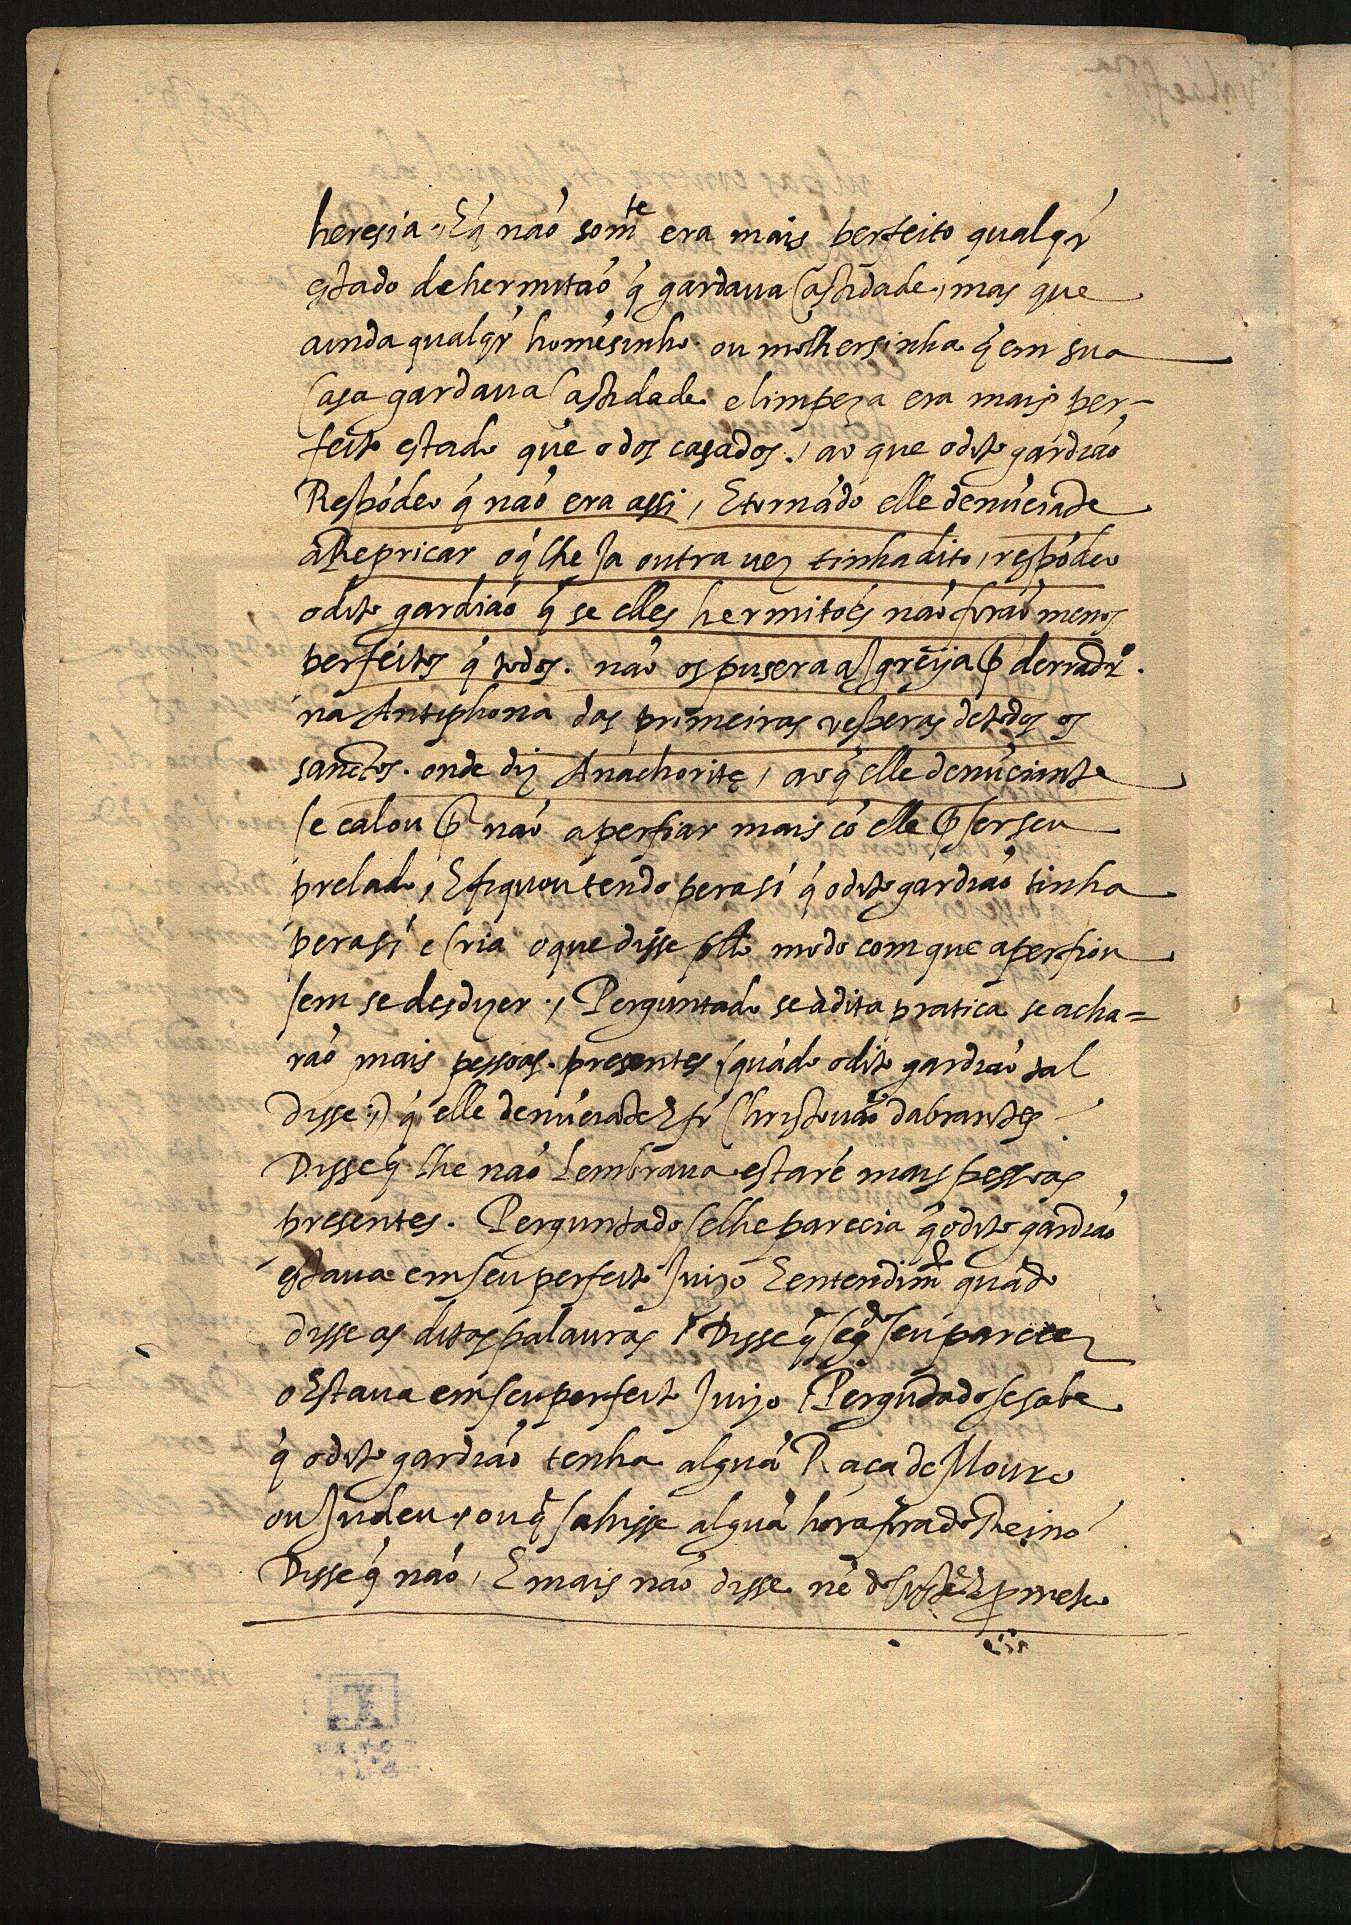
heresia, E q̅ não somte era mais perfeito qualqr̅
estado de hermitão q̅ gardaua Castidade, mas que
ainda qualqr̅ home̅sinho ou molhersinha q̅ em sua
Casa gardaua Castidade e limpeza era mais per
feito estado que o dos casados./ ao que o dito gardião
Respo̅deo q̅ não era assi, E torna̅do elle denu̅ciate
a Repricar o q̅ lhe Ja outra uez tinha dito, respo̅deo
o dito gardião q̅ se elles hermitões não forão menos
perfeitos q̅ todos. não os pusera a Jgreya p̅ derradro
na Antiphona das primeiras vesperas de todos os
sanctos. onde diz Anachorite, ao q̅ elle denu̅ciante
se calou p̅ não aperfiar mais co̅ elle p̅ ser seu
prelado, E fiquou tendo pera si q̅ o dito gardião tinha
pera si e Cria o que disse p̅llo modo com que aperfiou
sem se desdizer. Perguntado se à dita pratica se acha
rão mais pessoas. presentes (qua̅do o dito gardião tal
disse:,) q̅ elle denu̅cia̅te E fr̅ Christouão dabrantes.
Disse q̅ lhe não Lembraua estare̅ mais pessoas
presentes. Perguntado se lhe parecia q̅ o dito gardião
estaua em seu perfeito Juizo E entendimto qua̅do
disse as ditas palauras / Disse q̅ segdo seu parecer
o Estaua em seu perfeito Juizo / Pergu̅tado se sabe
q̅ o dito gardião tenha algua̅ Raça de Mouro
ou Judeu, ou q̅ sahisse algua̅ hora fora do Reino
Disse q̅ não, E mais não disse ne̅ do Custe E ꝓmeteo
